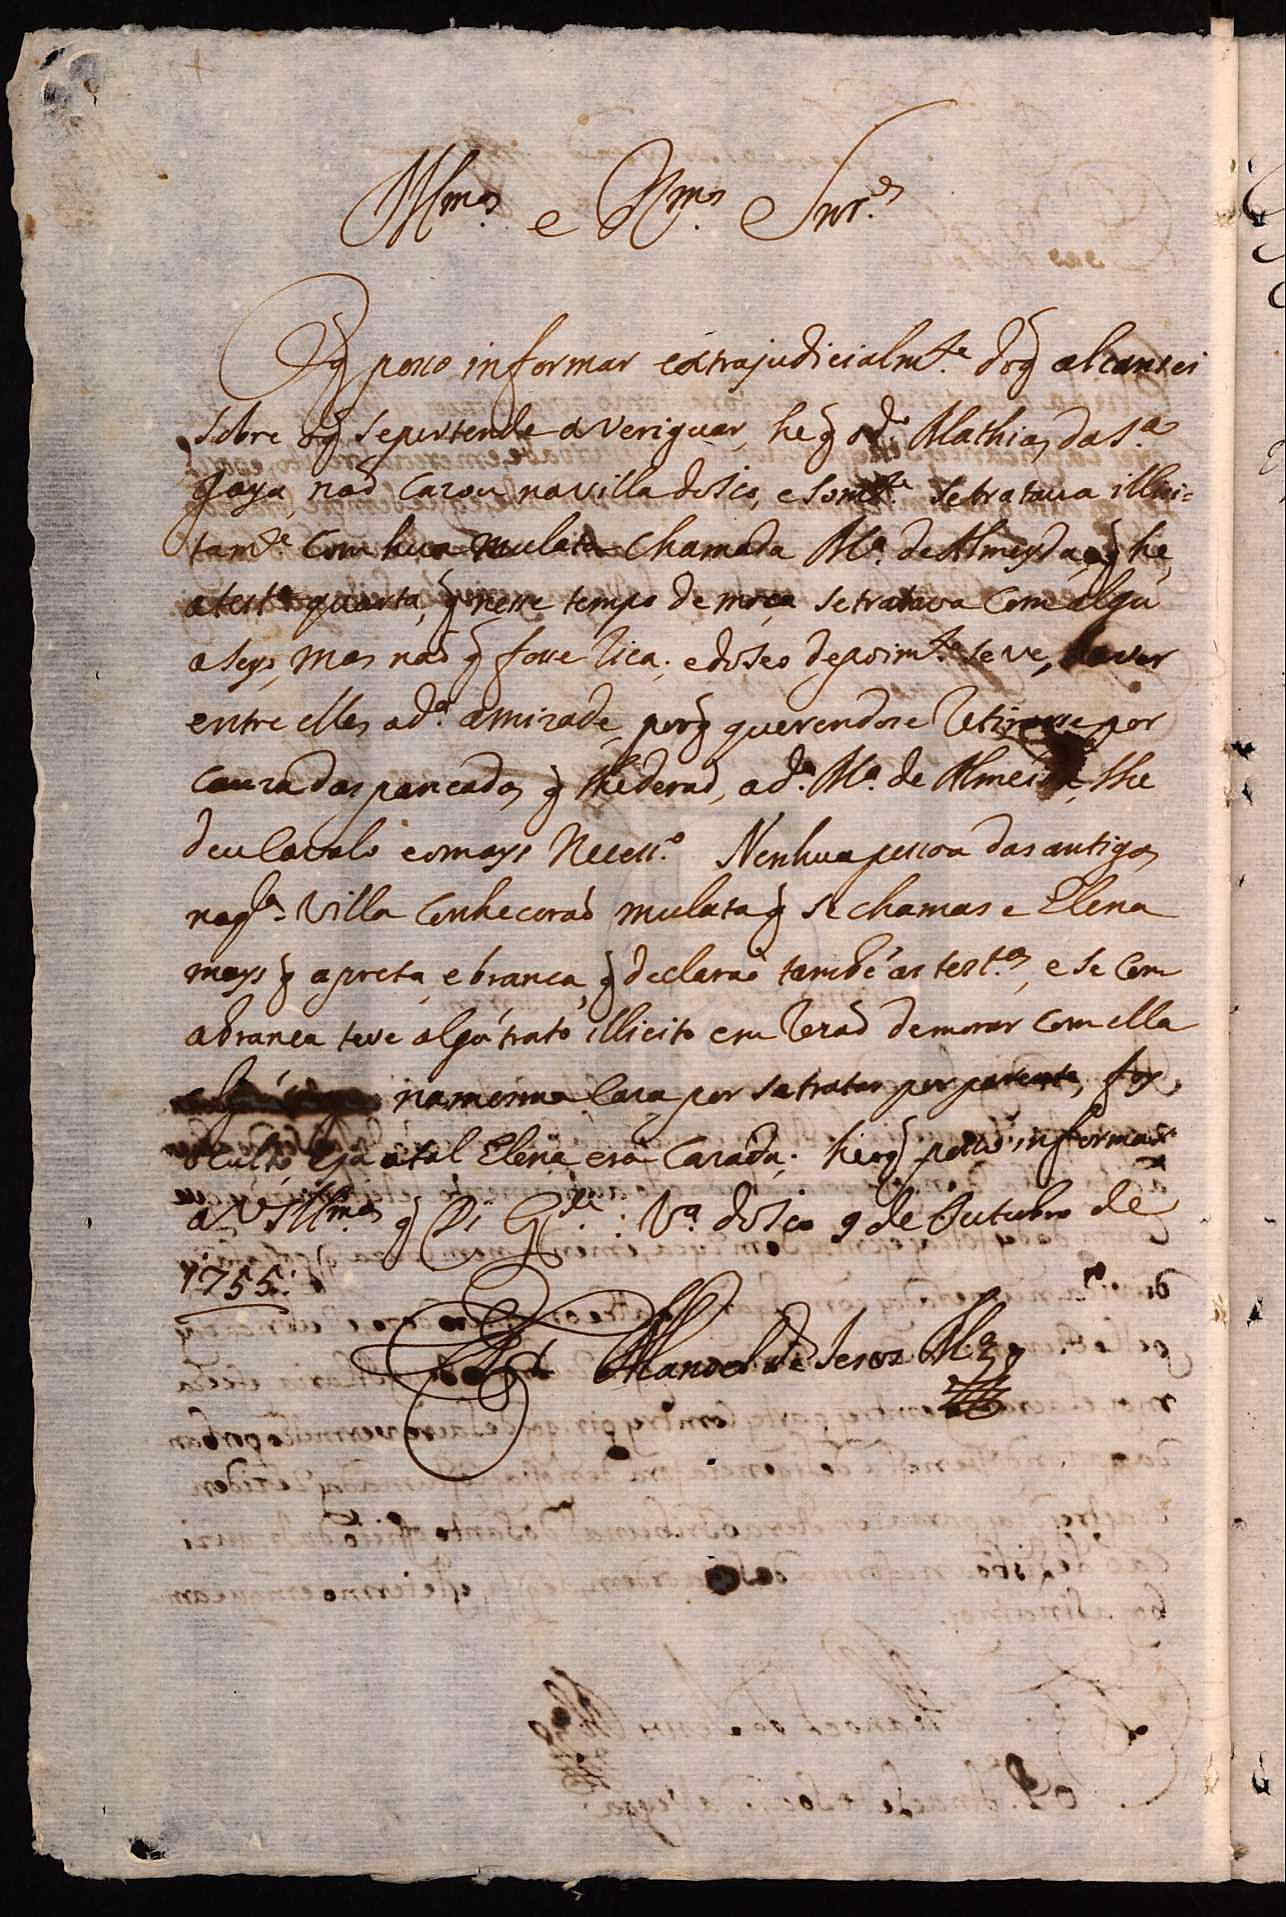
Ill.mos e R.mos Snr.es
O q̄ posso informar extrajudicialm.te do q̄ alcansei
sobre o q̄ se pertende averiguar, he q̄ o d.o Mathias da S.a
Gaya, naõ cazou na villa de Ico, e somt.e se trataua illisi
tam.te com hua mulata chamada M.a de Almeyda, a q̄ he
a testa quarta, q̄ nesse tempo de moça se tratava com algū
aseyo, mas naõ q̄ fosse Rica; e do seo depoim.to se ve, haver
entre elles a d.a amizade, porq̄ querendose Retirarse por
cauza das pancadas q̄ lhe deraõ, a d.a M.a de Almeida, lhe
deu cavalo, e o mays Necess.o Nenhua pessoa das antigas
naq.la villa Conheceraõ mulata q̄ se chamase Elena
mays q̄ a preta, e branca, q̄ declaraõ tambē as test.as, e se com
a branca teve algū trato illicito em rezaõ de morar com ella
na mesma Caza por se tratar por parente, foy
oculto, e ja a tal Elena era Cazada; he o q̄ posso informar
a V Illm.as
q̄ Ds Gde
V.a do Ico 9 de Outubro de
i755:
Fr Manoel de Iesuz M.a
